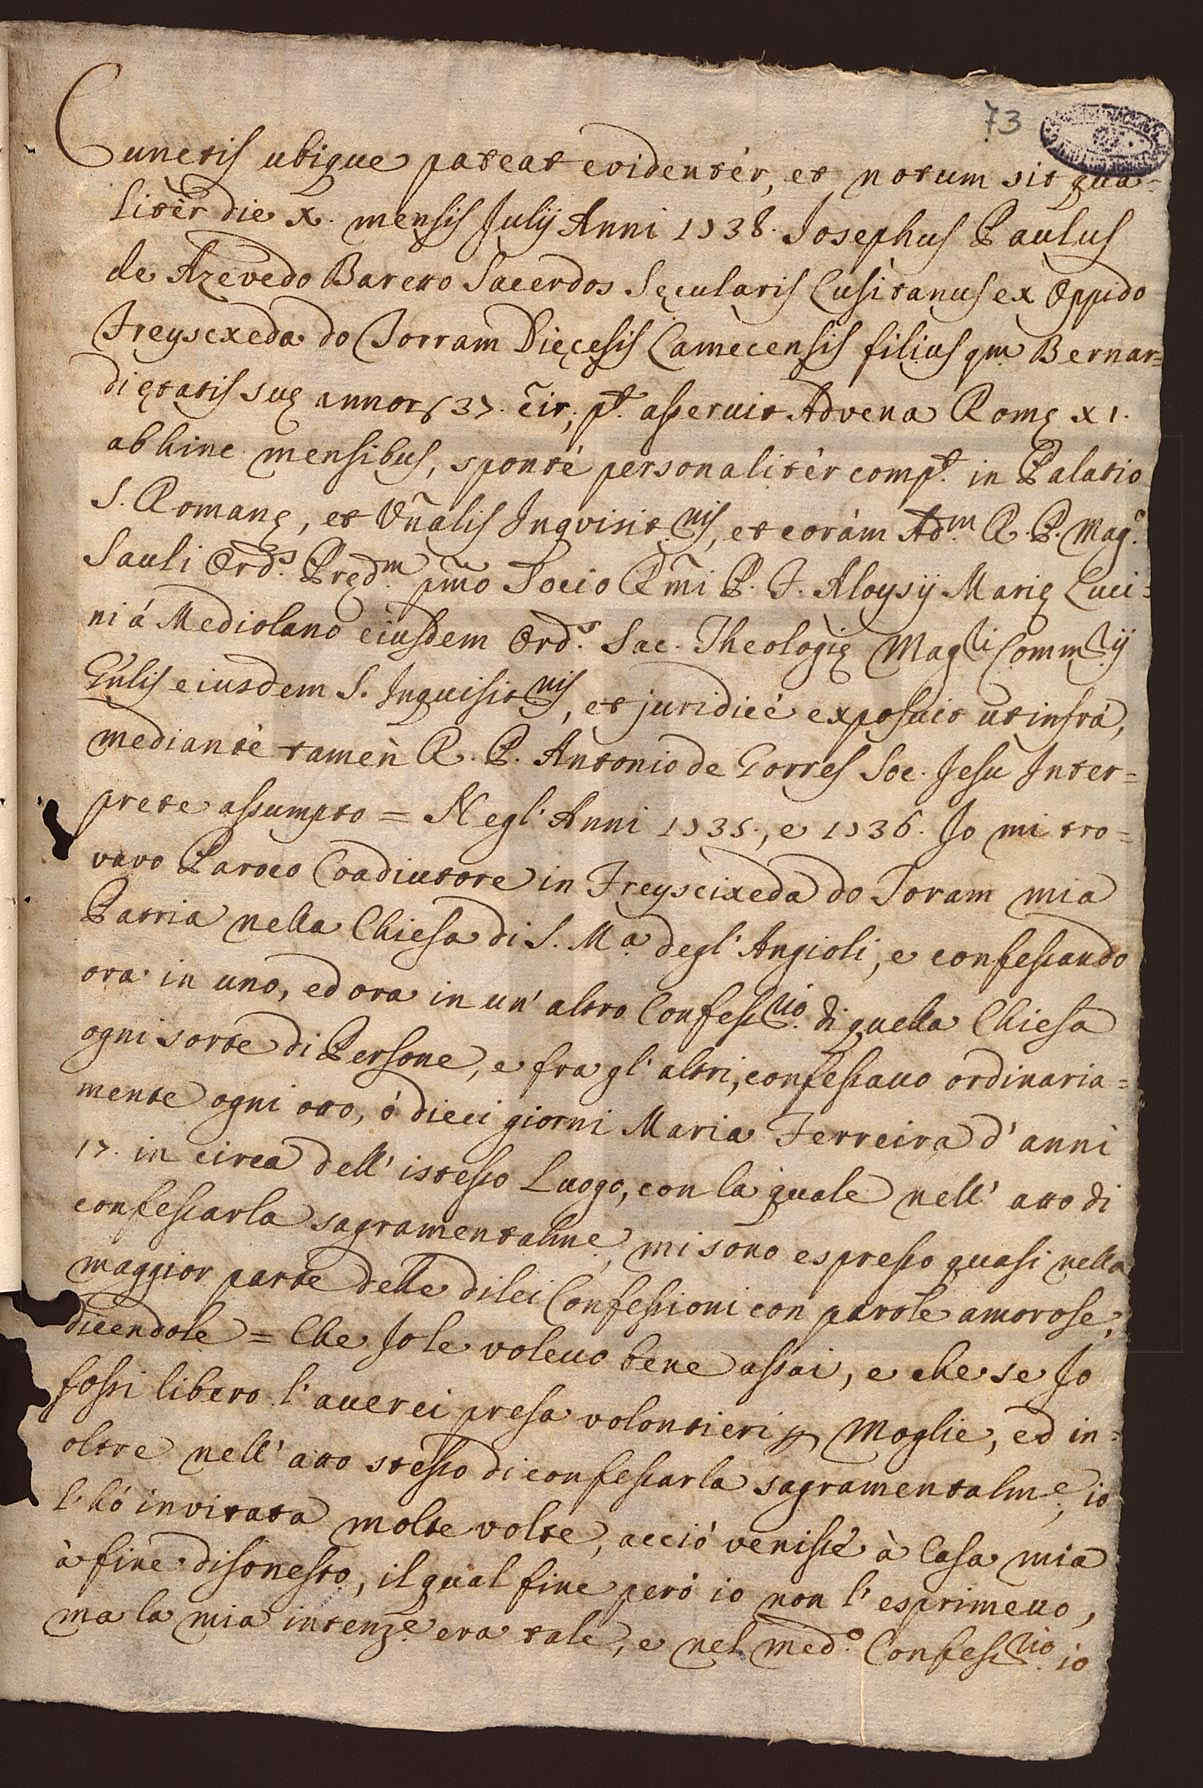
Cunetis ubique pateat evidenter, et, notum sit qua
liter die x. mensis Julij Anni 1538 Iosephus Paulus
de Azevedo Baretto Sacerdos Sæcularis Lusitanus ex Oppido
Freysexeda do Torram Diœcesis Lamecensis filius qua Bernar
diætatis suæ annor̄ 37. ē ir; pt. asseruit Advena Romæ xi.
abhine mensibus, spontē personaliter comp.t in Palatio
S. Romanæ, et Vūalis Inquisit.nis, et eoram Ad.m R. P. Mag.o
Sauli Ord.s Prædm. pm̄o Socio Rm̄i P. F. Moysij Mariæ Luci
niá Mediolano eiusdem Ord.s Sac. Theologiæ Magri Comm.rij
hūlis eiusdem S. Inquisit.nis, et juridicē exposicio ut infra,
mediantē tamen̄ R. P. Antonio de Torres Soc. Jesu Inter
prete assumpto = Negl'Anni 1535., e 1536. Jo mi tro
vavo Paroco Coadiutore in Freyseixeda do Toram mia
Patria nella Chiesa di S. M.a degl'Angioli, e confessando
ora in uno, ed ora in un'altro confess.rio di quella Chiesa
ogni sorte di Persone, e fra gl'altri, confessauo ordinaria
mente ogni otto, ó dieci giorni Maria Ferreira d'anni
17. in circa dell'istesso Luogo, con la quale nell'atto di
confessarla sagramentalme., mi sono espresso quasi nella
maggior parte delle di lei Confessioni con parole amorose,
dicendole = Che Jole voleuo bene assai, e che se Jo
fossi libero l'auerei presa volontieri ꝑ moglie, ed in
oltre nell'atto stesso di confessarla sagramentalm.e, io
L'ho invitata molte volte, acció venissé à Casa mia
à fine disonesto, il qual fine peró io non l'esprimeuo,
ma la mia intenz.e era tale, e nel med.o confes.rio io
